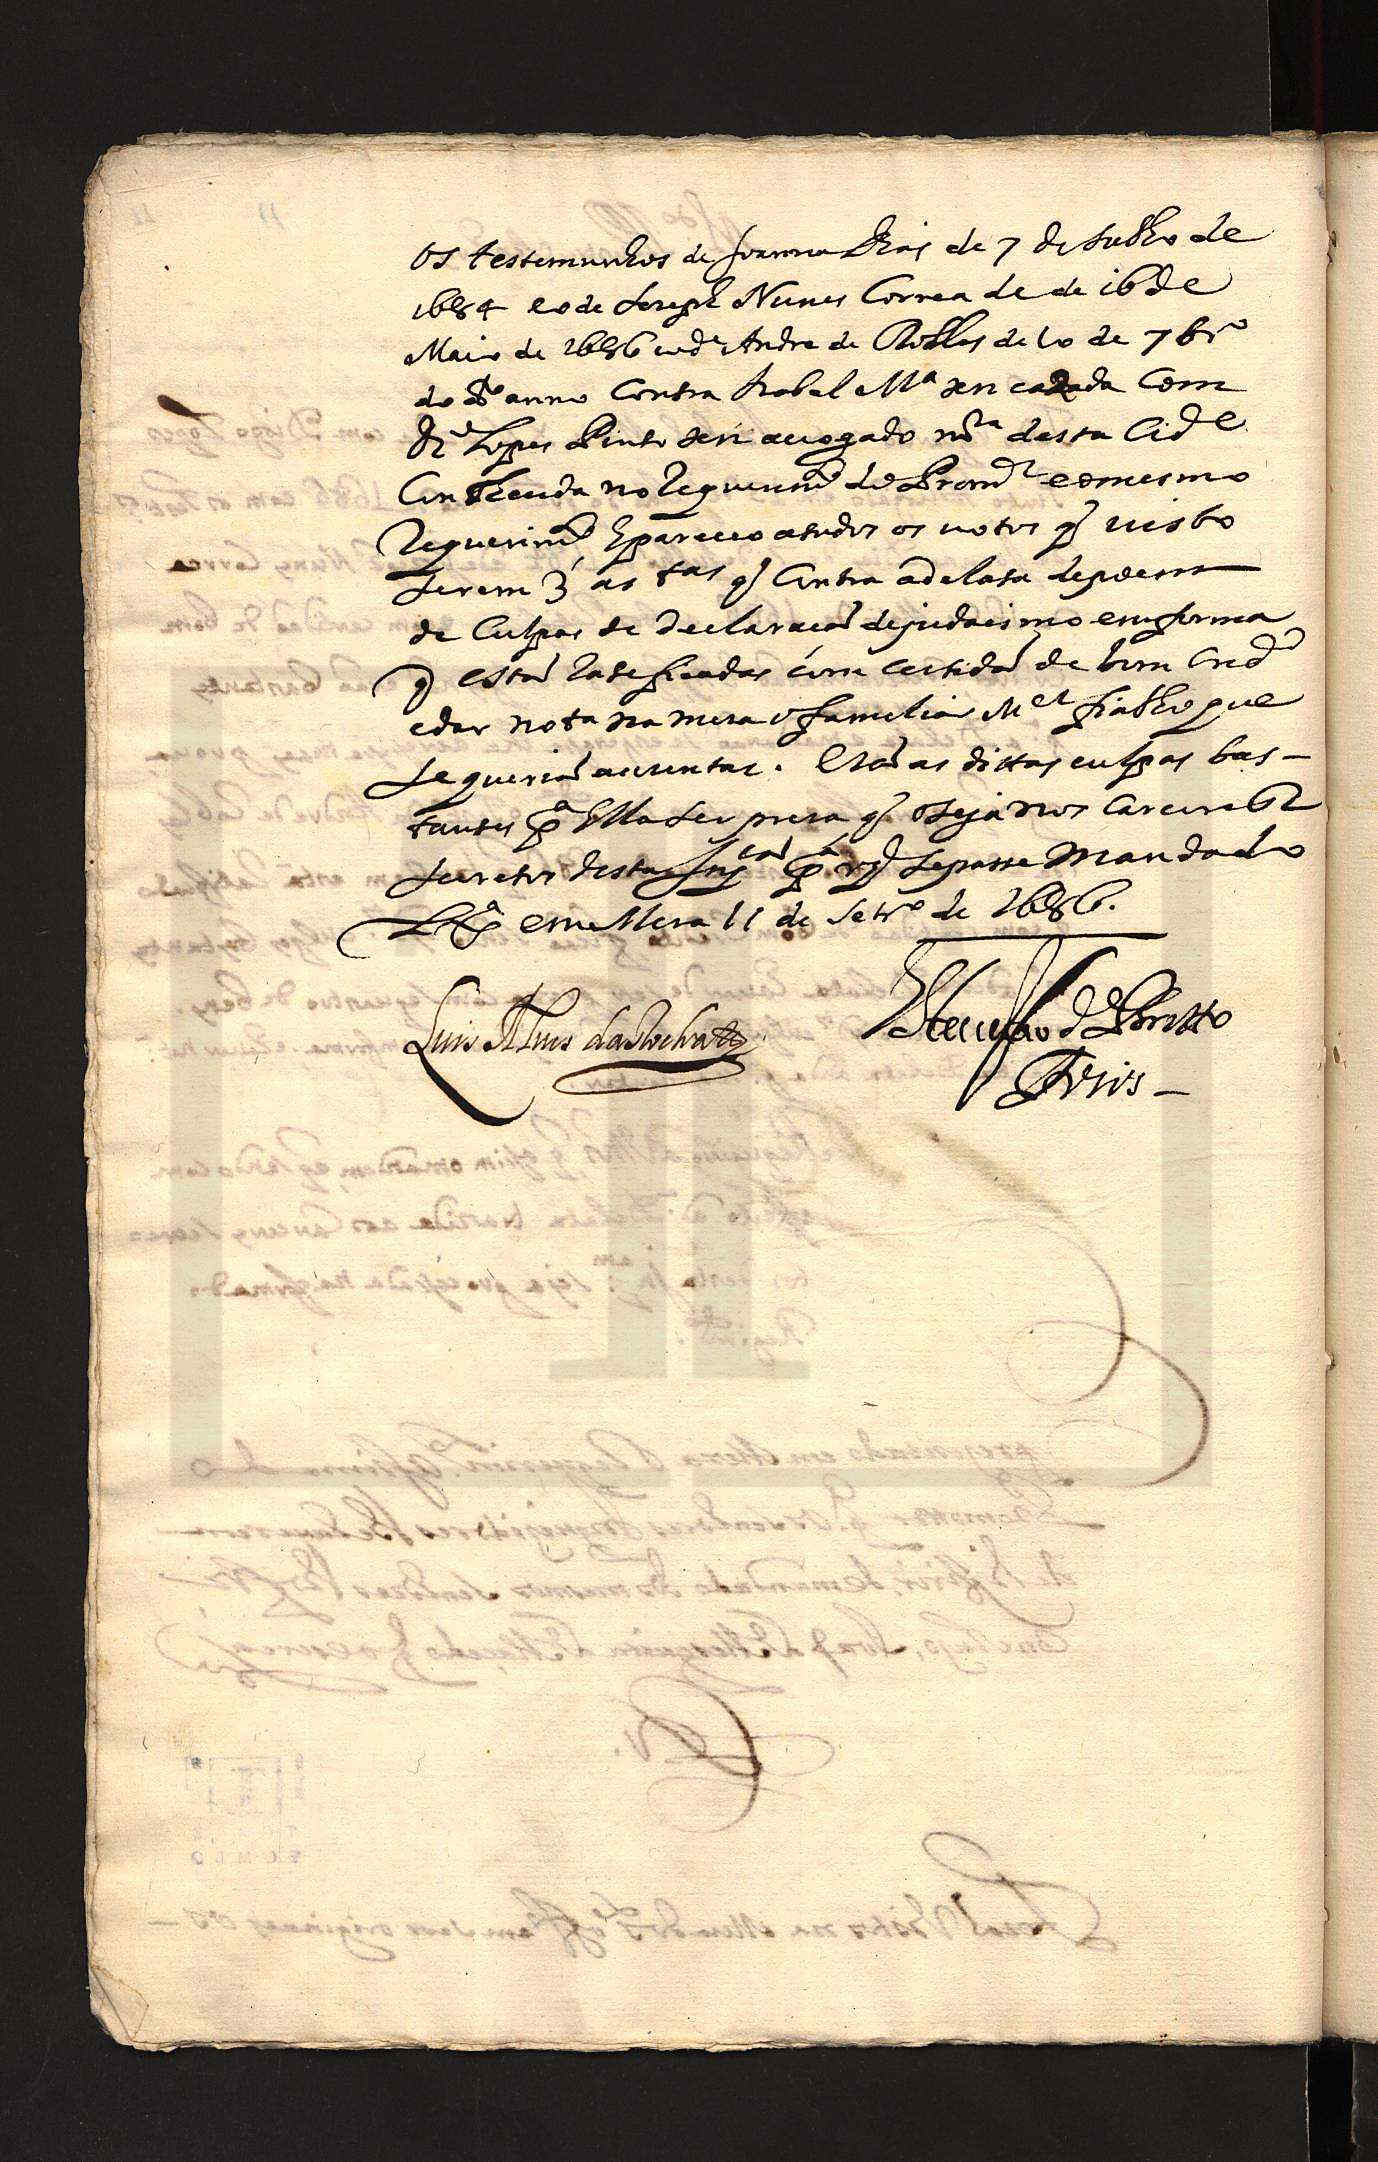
os testemunhos de Joanna Dias de 7 de Iulho de
1684 e o de Iozeph Nunes Correa de de i6 de
Maio de 1686 e o de Andre de Robles de 10 de 7bro
do d̄o anno Contra Izabel Ma xn caZada Com
Dio Lopes Pinto xn auogado mora desta Cide
Contheuda no Requerimto do Promor e o mesmo
Requerimto, E pareceo a todos os uotos q̄ uisto
serem 3 as tas q̄ Contra a delata depoem
de Culpas de declaraçaõ de judaismo em forma
q̄ estaõ Rateficadas com certidaõ de bom credo
e dar nota na mesa o fameliar Mel fialho que
se queriaõ auzentar. E saõ as dittas culpas bas
tantes pa Ella ser presa, q̄ o seja nos carceres
secretos desta Jnqcaõ pa o q̄ se passe mandado
Lxa em Mesa 11 de setro de 1686.
